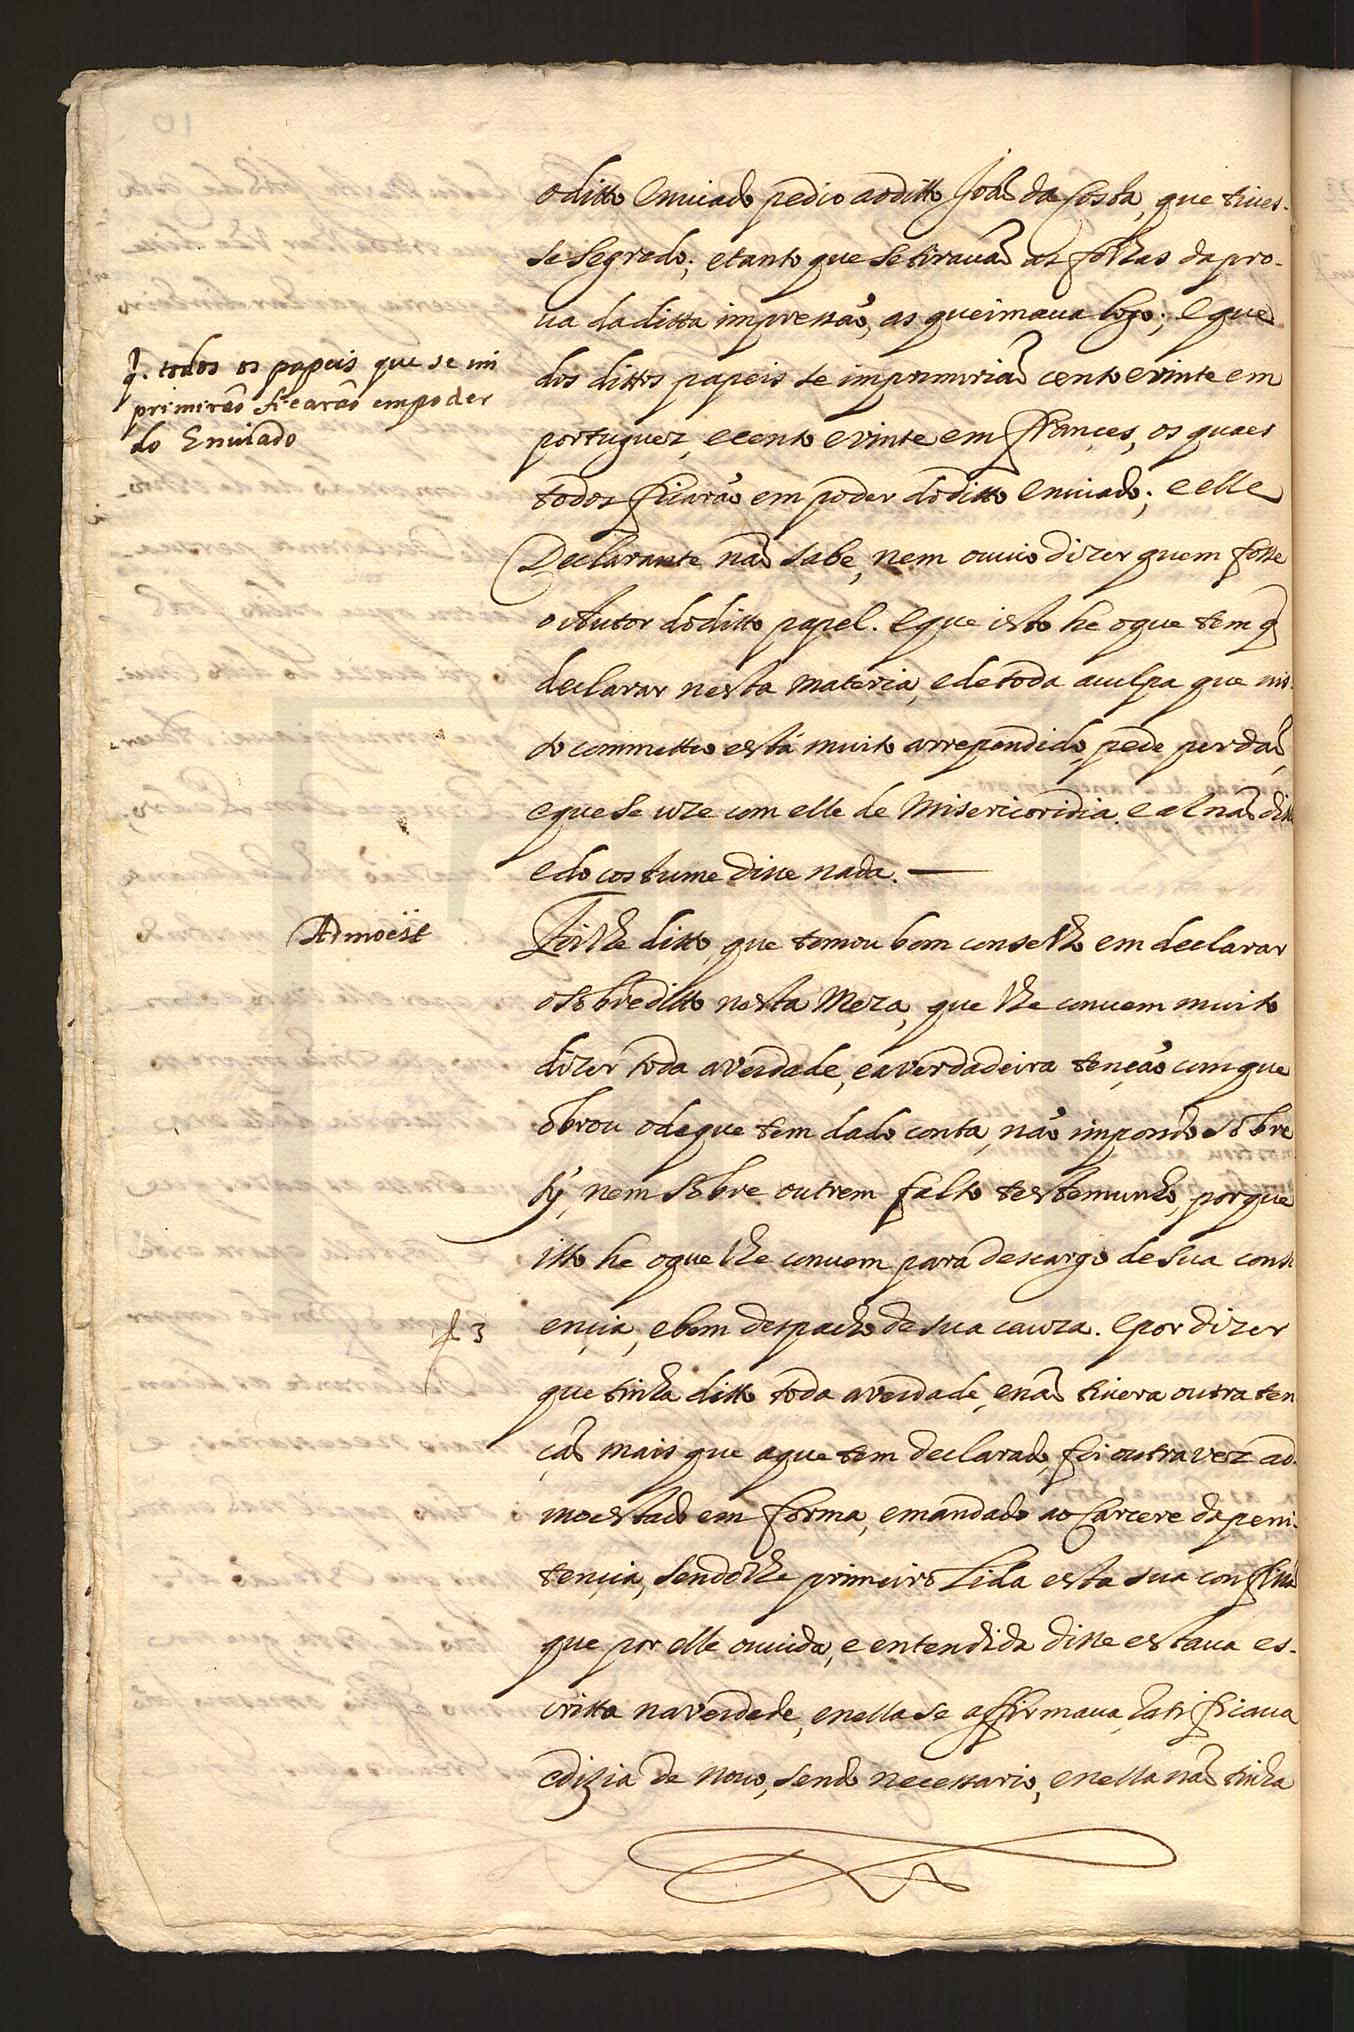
q̄. todos os papeis que se im
primirão ficarão em poder
do Enuiado
Admoest
o ditto Enuiado pedio ao ditto João da Costa, que tiues
se segredo; e tanto que se tirauão as folhas da pro
ua da ditta impressaõ, as queimaua logo; e que
dos dittos papeis se impremeriaõ cento e vinte em
portuguez, e cento e vinte em françes, os quaes
todos ficaraõ em poder do ditto enuiado; e elle
Declarante não sabe, nem ouuio dizer quem fosse
o Autor do ditto papel. e que isto he o que tem q̄
declarar nesta materia, e de toda a culpa que nis
to commetteo está muito arrependido, pede perdaõ,
e que se uze com elle de misericoridia e al não diss_
e do costume disse nada.
Foilhe ditto que tomou bom conselho em declarar
o sobreditto nesta Meza, que lhe conuem muito
dizer toda a verdade, e a verdadeira tençaõ com que
obrou o de que tem dado conta, naõ impondo sobre
sy nem sobre outrem falso testemunho, porque
isso he o que lhe conuem para descargo de sua cons_
ençia, e bom despacho de sua cauza. e por dizer
que tinha ditto toda a verdade, e não tiuera outra ten
ção mais que a que tem declarado, foi outra vez ad
moestado em forma, e mandado ao Carcere da peni
tençia, sendolhe primeiro Lida esta sua confissa
que por elle ouuida, e entendida disse estaua es
critta na verdade, e nella se affirmaua, Ratificaua
e dizia de nouo, sendo necessario, e nella não tinha
